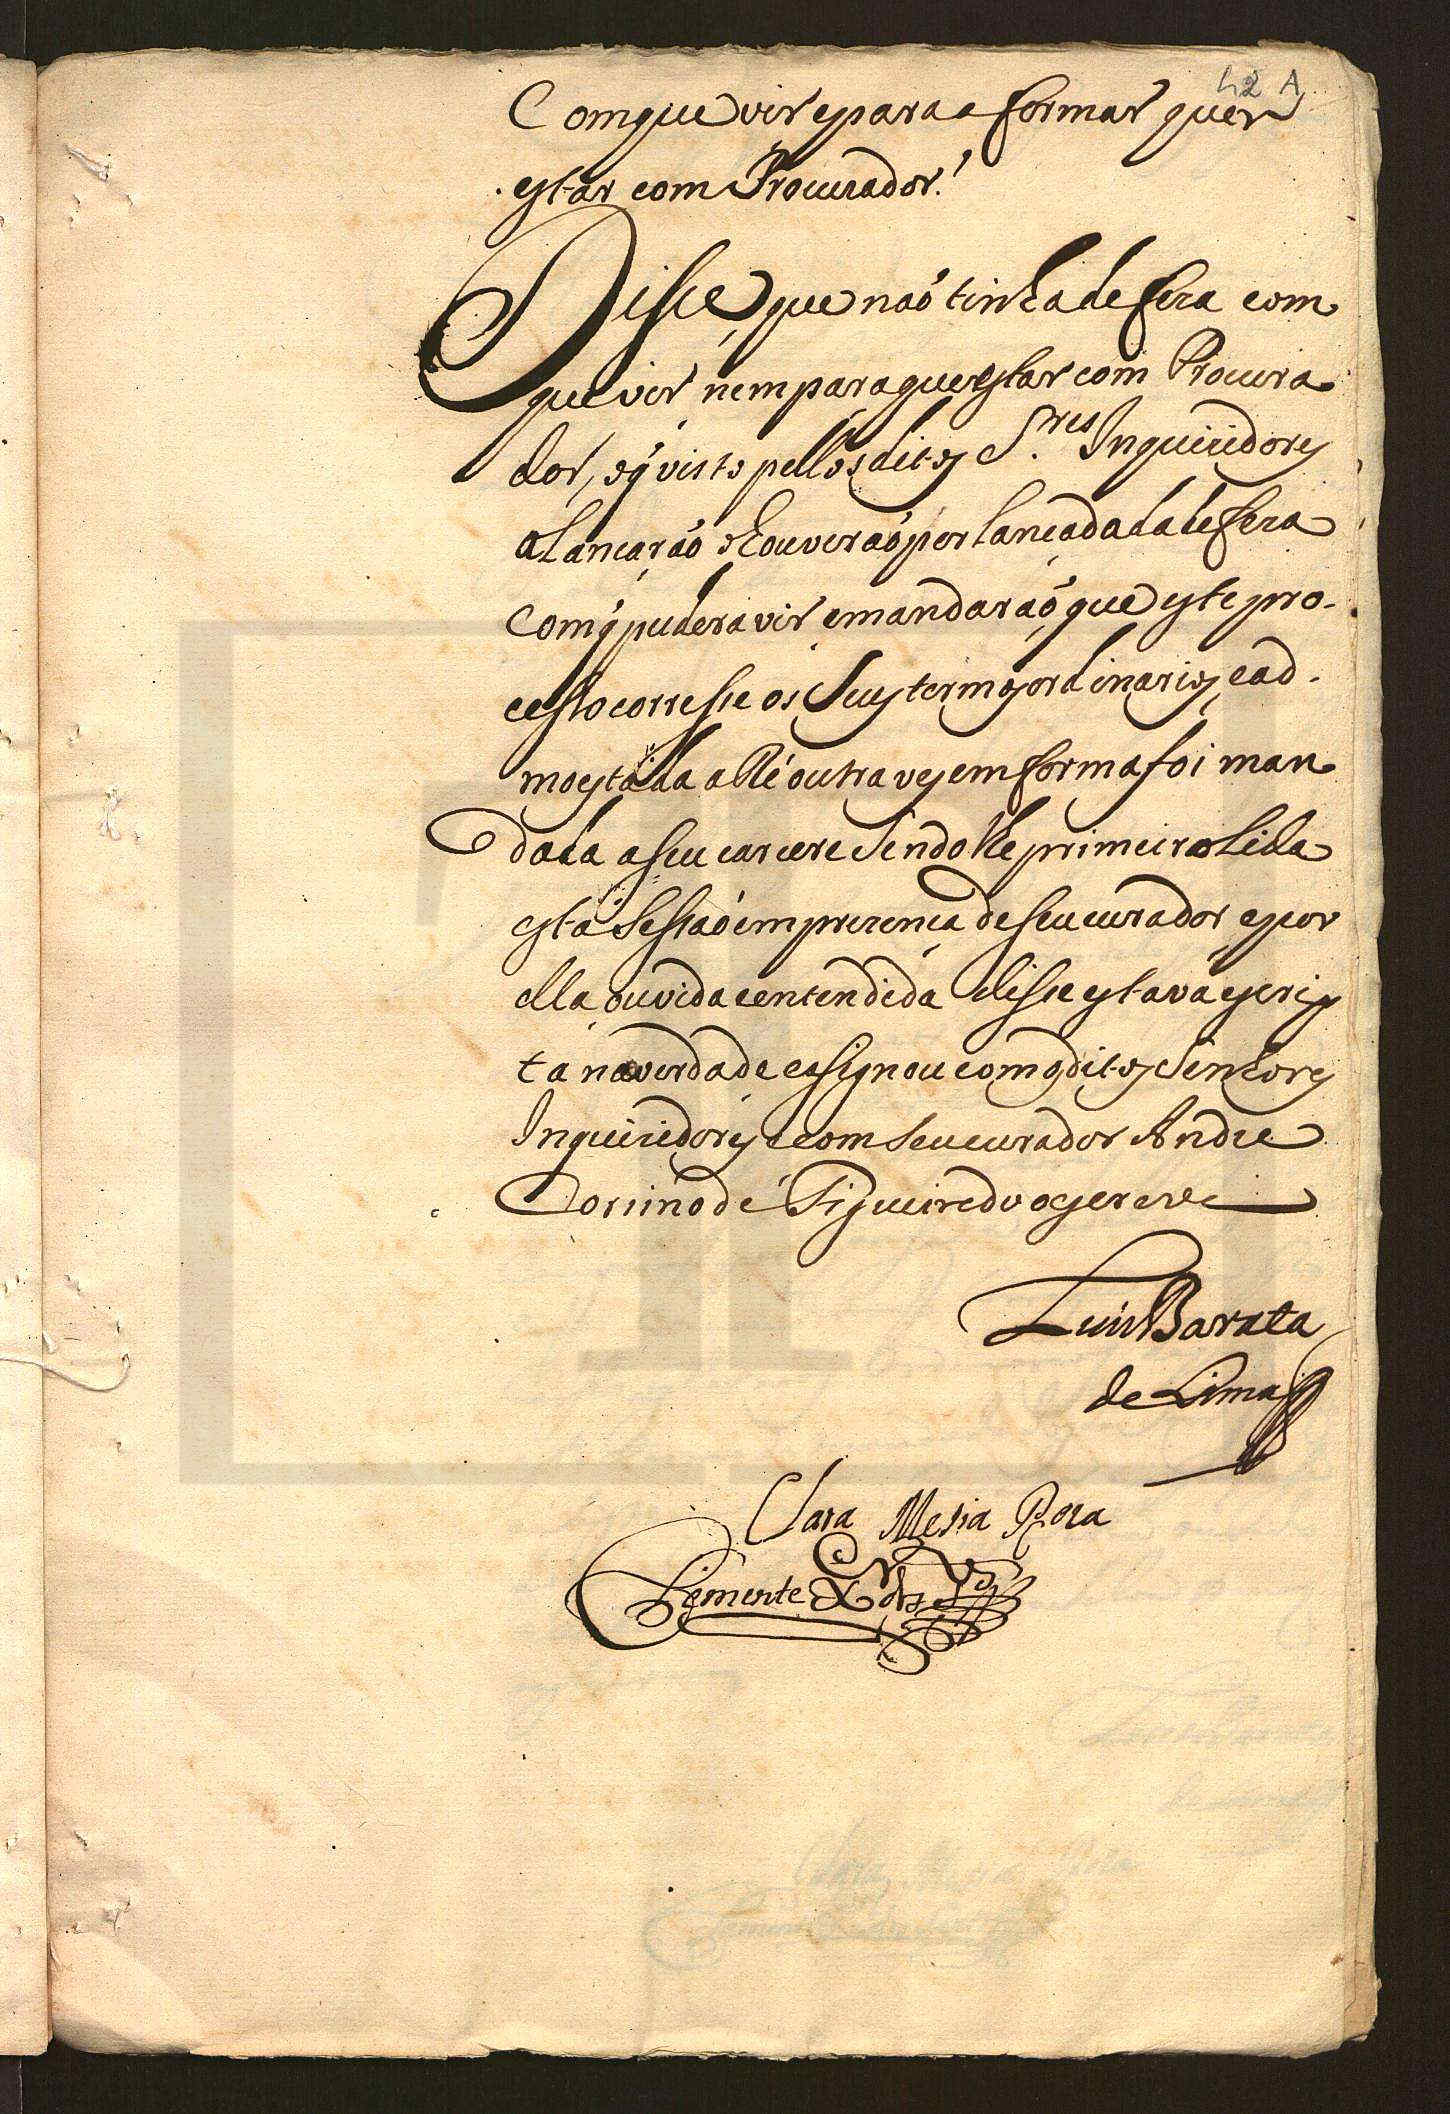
Com que vir e para a formar quer
estar com Procurador?
Disse que naõ tinha defeza com
que vir, nem para que estar com Procura
dor, o q̄ visto pellos ditos S.res Inquizidores
a Lançaraõ o houveraõ por Lançada da defeza
com q̄ pudera vir e mandaraõ, que este pro
cesso corresse os Seus termos ordinarios, e ad.
moestada a Ré outra ves em forma foi man
dada a seu carcere Sendo lhe primeiro Lida
esta Sessaõ em prezença de seu curador, e por
ella ouvida e entendida disse estava escrip
ta na verdade, e asignou com os ditos Senhores
Inquizidores e com Seu curador Andre
Corsino de Figueiredo o escrevi
